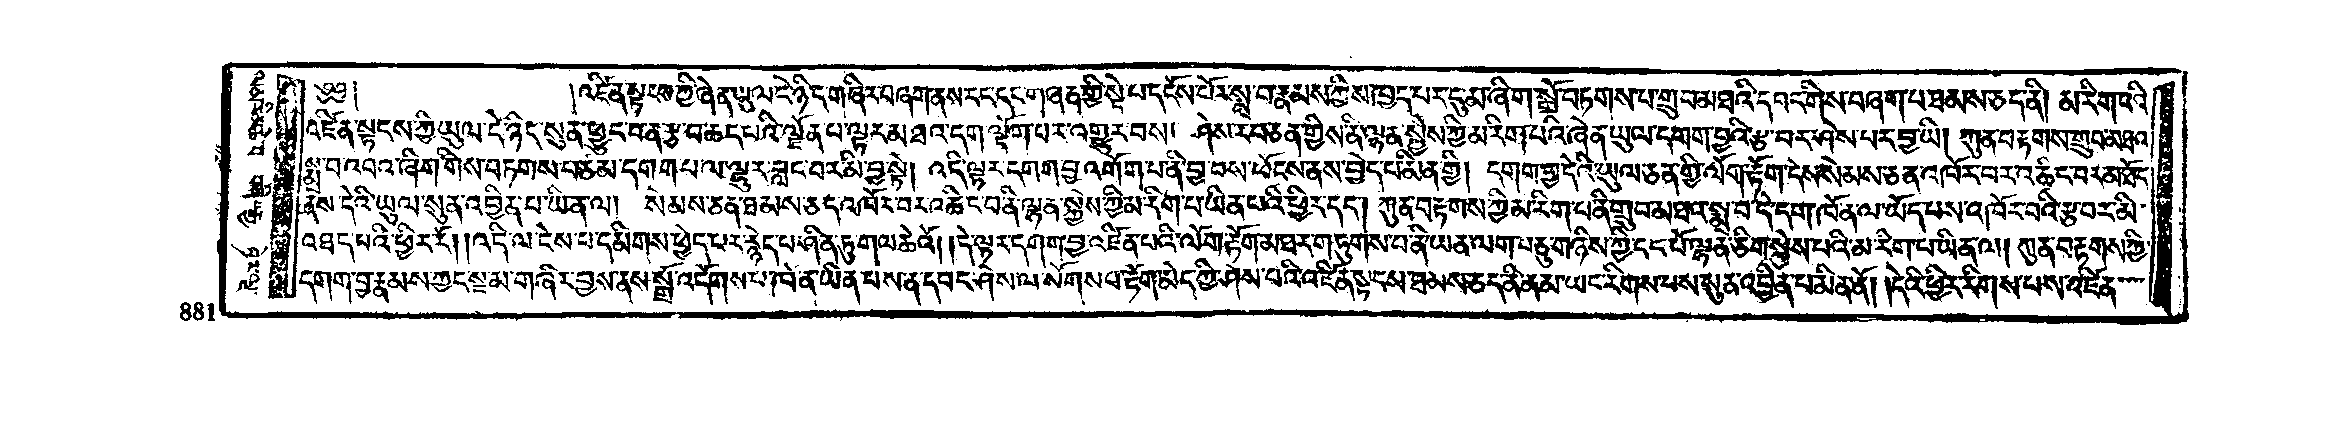༄༅། །འཛིན་སྟངས་ཀྱི་ཞེན་ཡུལ་དེ་ཉིད་གཞིར་བཞག་ནས་རང་དང་གཞན་གྱི་སྡེ་པ་དངོས་པོར་སྨྲ་བ་རྣམས་ཀྱིས་ཁྱད་པར་དུ་མ་ཞིག་སྒྲོ་བཏགས་པ་གྲུབ་མཐའི་དབང་གིས་བཞག་པ་ཐམས་ཅད་ནི། མ་རིག་པའི་
འཛིན་སྟངས་ཀྱི་ཡུལ་དེ་ཉིད་སུན་ཕྱུང་བ་ན་རྩ་བ་ཆད་པའི་ལྗོན་པ་ལྟར་མཐའ་དག་ལྡོག་པར་འགྱུར་པས་?། ཤེས་རབ་ཅན་གྱིས་ནི་ལྷན་སྐྱེས་ཀྱི་མ་རིག་པའི་ཞེན་ཡུལ་དགག་བྱའི་རྩ་བར་ཤེས་པར་བྱ་ཡི། ཀུན་བརྟགས་གྲུབ་མཐའ་
སྨྲ་བ་འབའ་ཞིག་གིས་བཏགས་པ་ཙམ་དགག་པ་ལ་ལྷུར་བླང་བར་མི་བྱ་སྟེ། འདི་ལྟར་དགག་བྱ་འགོག་པ་ནི་བྱ་བས་ཕོངས་ནས་བྱེད་པ་མིན་གྱི། དགག་བྱ་དེའི་ཡུལ་ཅན་གྱི་ལོག་རྟོག་དེས་སེམས་ཅན་འཁོར་བར་འཆིང་བར་མཐོང་
ནས་དེའི་ཡུལ་སུན་འབྱིན་པ་ཡིན་ལ། སེམས་ཅན་ཐམས་ཅད་འཁོར་བར་འཆིང་བ་ནི་ལྷན་སྐྱེས་ཀྱི་མ་རིག་པ་ཡིན་པའི་ཕྱིར་དང་། ཀུན་བརྟགས་ཀྱི་མ་རིག་པ་ནི་གྲུག་མཐའ་སྨྲ་བ་དེ་དག་ཁོ་ན་ལ་ཡོད་པས་འཁོར་བའི་རྩ་བར་མི་
འཐད་པའི་ཕྱིར་རོ། །འདི་ལ་ངེ་སྤ་དམིགས་ཕྱེད་པར་རྙེད་པ་ཤིན་ཏུ་གལ་ཆེའོ། །དེ་ལྟར་དགག་བྱ་འཛིན་པའི་ལོག་རྟོག་མཐར་གཏུགས་པ་ནི་ཡན་ལག་བཅུ་གཉིས་ཀྱི་དང་པོ་ལྷན་ཅིག་སྐྱེས་པའི་མ་རིག་པ་ཡིན་ལ། ཀུན་བརྟགས་ཀྱི་
དགག་བྱ་རྣམས་ཀྱང་སྔ་མ་གཞིར་བྱས་ནས་སྒྲོ་འདོགས་པ་ཁོ་ན་ཡིན་པས་ན་དབང་ཤེས་ལ་སོགས་པ་རྟོག་མེད་ཀྱི་ཤེས་པའི་འཛིན་སྟངས་ཐམས་ཅད་ནི་ནམ་ཡང་རིགས་པས་སུན་འབྱིན་པ་མིན་ནོ། །དེའི་ཕྱིར་རིགས་པས་འཛིན་